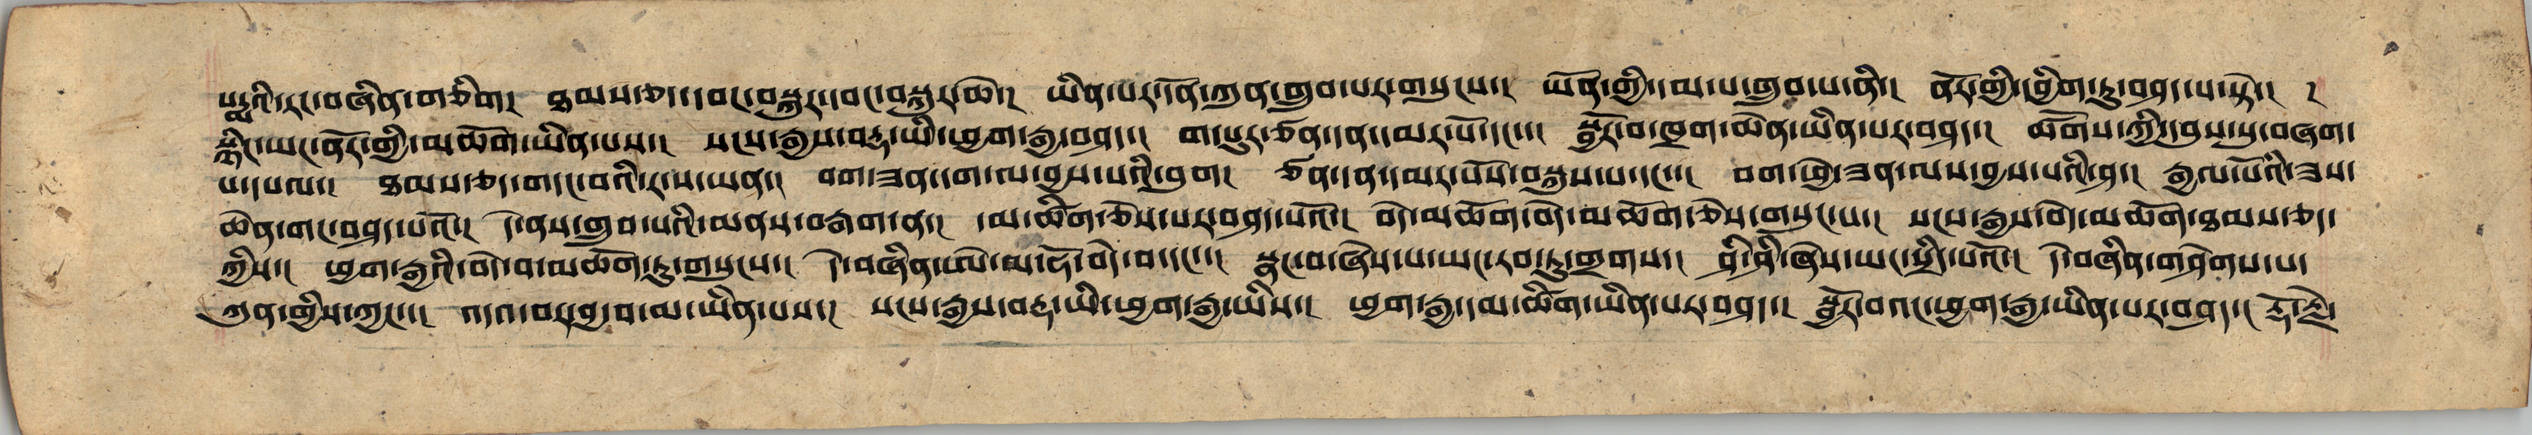པདྨའི་རང་བཞིན་གཅིག། ཐམས་ཅད་དབང་བསྐུར་དབང་བསྐུར་ཆེ་། ཡིན་པར་དོན་ཀུན་གྲུབ་པར་གསུངས་། ཡོན་གྱི་དམ་པ་གྲུབ་པ་ནི་། ནོར་གྱི་དབྱིག་ཏུ་བཤད་པ་སྟེ་། ཌ
སྙིང་ཡང་ནོར་གྱི་མཆོག་ཡིན་པས་། སངས་རྒྱས་བརྡ་ཡི་ཕྱག་རྒྱ་བཤད་། ག་པུར་ཙན་དན་དམར་པོ་དང་་། སྦྱོར་བ་ཁྲག་ཆེན་ཡིན་པར་བཤད་། ཚོགས་ཀྱི་ངབུས་སུ་བཞག་
པ་དཔལ་། ཐམས་ཅད་གདང་བའི་ར་ས་ཡན་། བག་ཟན་དག་ལ་བྱས་པའི་བུག། ཙན་དན་དམར་པོས་བསྒྲུབ་པ་དང་་། བག་ཕྱེ་ཟན་ལས་བྱས་པའི་ཤ་། རྒྱལ་པོའི་ཟས་
ཆེན་གང་བཤད་པའོ་། དེ་ནས་གྲུབ་པའི་མནས་བརྒག་ན་། དམ་ཚིག་ཅེས་པར་བཤད་པའོ་། བདེ་མཆོག་བདེ་མཆོག་ཅེས་གསུང་པ་། སངས་རྒྱས་བདེ་མཆོག་ཐམས་ཅད་
ཀྱིས་། ཕྱག་རྒྱའི་བདེ་བ་མཆོག་ཏུ་གསུངས་། དེ་བཞིན་ཨེ་མ་ཧོ་བདེ་བ་དང་་། སྣང་བ་ཞེས་པ་ཡང་རབ་ཏུ་གྲགས་། ཤི་ཤི་ཞེས་ཡང་སྲིད་པའོ་། དེ་བཞིན་གཤེགས་པ་
ཀུན་གྱིས་ཀྱང་་། འདའ་བར་བྱ་བ་མ་་ཡིན་པས་། སངས་རྒྱས་བརྡ་ཡི་ཕྱག་རྒྱ་ཡིས་། ཕྱག་རྒྱ་དམ་ཚིག་ཡིན་པར་བཤད་། སྦྱོར་བའང་ཕྱག་རྒྱ་ཡིན་པར་བཤད་། རྡོ་རྗེ་